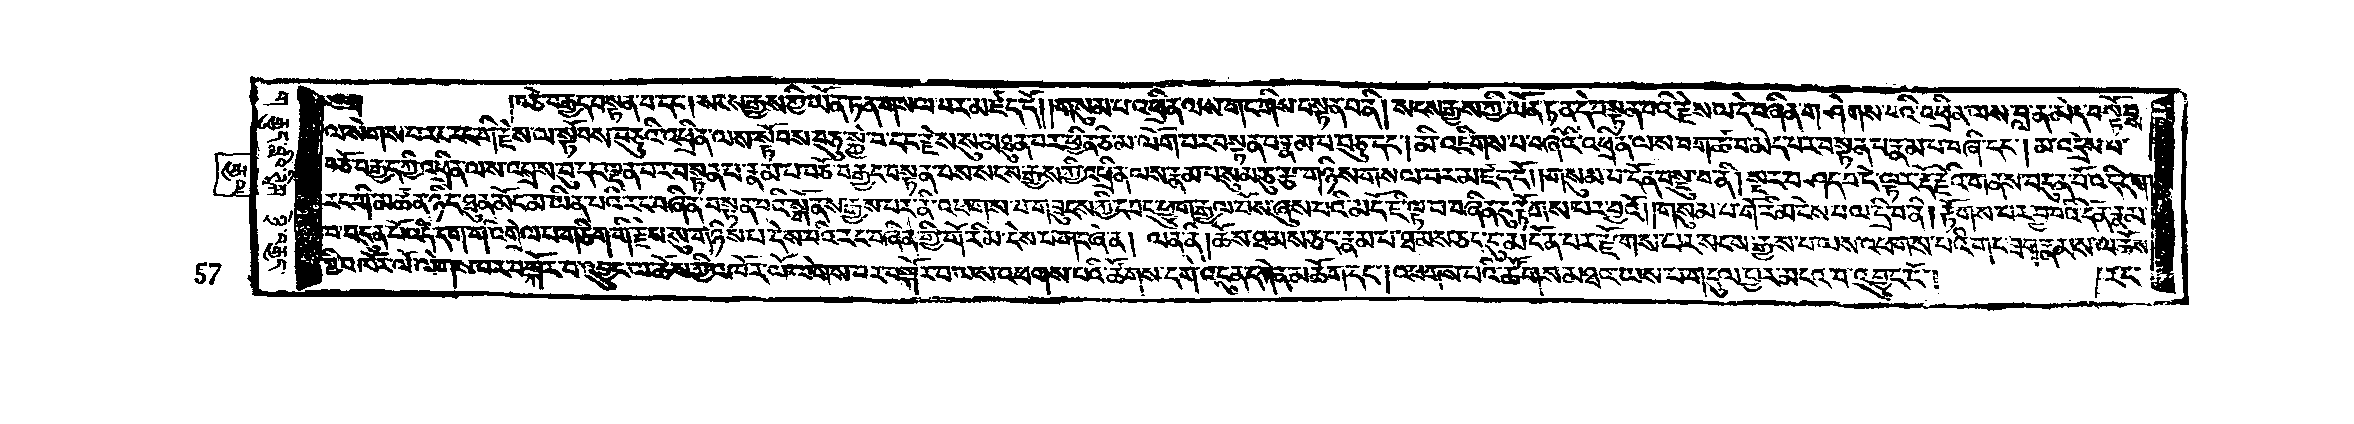༄༅། །བཅོ་བརྒྱད་བསྟན་པ་དང་། སངས་རྒྱས་ཀྱི་ཡོན་ཏན་གསལ་བར་མཛད་དོ། །གསུམ་པ་འཕྲིན་ལས་གང་གིས་བསྟན་པ་ནི། སངས་རྒྱས་ཀྱི་ཡོན་ཏན་དེ་བསྟན་པའི་རྗེས་ལ་དེ་བཞིན་གཤེགས་པའི་འཕྲིན་ལས་བླ་ན་མེད་པ་སྟོབས་
ལ་སོགས་པ་རང་རང་གི་རྗེས་ལ་སྟོབས་བཅུའི་འཕྲིན་ལས་སྟོབས་བཅུ་སྐྱེ་བ་དང་རྗེས་སུ་མཐུན་པར་ཕྱིན་ཅི་མ་ལོག་པར་བསྟན་པ་རྣམ་པ་བཅུ་དང་། མི་འཇིགས་པ་བཞིའི་འཕྲིན་ལས་བག་ཚ་བ་མེད་པར་བསྟན་པ་རྣམ་པ་བཞི་དང་། མ་འདྲེས་པ་
བཅོ་བརྒྱད་ཀྱི་འཕྲིན་ལས་འབྲས་བུ་དང་ལྡན་པར་བསྟན་པ་རྣམ་པ་བཅོ་བརྒྱད་བསྟན་པས་སངས་རྒྱས་ཀྱི་འཕྲིན་ལས་རྣམ་པ་སུམ་ཅུ་རྩ་གཉིས་གསལ་བར་མཛད་དོ། །གསུམ་པ་དོན་བསྡུ་བ་ནི། སྔར་བཤད་པ་དེ་ལྟར་རྡོ་རྗེའི་གནས་བདུན་པོ་འདི་དག་
རང་གི་མཚན་ཉིད་ཐུན་མོང་མ་ཡིན་པའི་རང་བཞིན་བསྟན་པའི་སྒོ་ནས་རྒྱས་པར་ནི་འཕགས་པ་གཟུངས་ཀྱི་དབང་ཕྱུག་རྒྱལ་པོས་ཞུས་པའི་མདོ་ཇི་ལྟ་བ་བཞིན་དུ་རྟོགས་པར་བྱའོ། །གསུམ་པ་གོ་རིམ་ངེས་པ་ལ་དྲི་བ་ནི། རྟོགས་པར་བྱ་བའི་དོན་རྣམ་
པ་བདུན་པོ་འདི་དག་གི་འགྲེལ་པ་གཅིག་གི་རྗེས་སུ་གཉིས་པ་ངེས་པའི་རང་བཞིན་གྱི་གོ་རིམ་ངེས་པ་གང་ཞེ་ན། ལན་ནི། ཆོས་ཐམས་ཅད་རྣམ་པ་ཐམས་ཅད་དུ་མངོན་པར་རྫོགས་པར་སངས་རྒྱས་པ་ལས་འཕགས་པའི་གང་ཟག་རྣམས་ལ་ཆོས་
ཀྱི་འཁོར་ལོ་ལེགས་པར་བསྐོར་བ་འབྱུང་ལ་ཆོས་ཀྱི་འཁོར་ལོ་ལེགས་པར་བསྐོར་བ་ལས་འཕགས་པའི་ཚོགས་དགེ་འདུན་དཀོན་མཆོག་དང་། འཕགས་པའི་ཚོགས་མཐའ་ཡས་པ་གདུལ་བྱར་མངའ་བ་འབྱུང་ངོ། །རང་